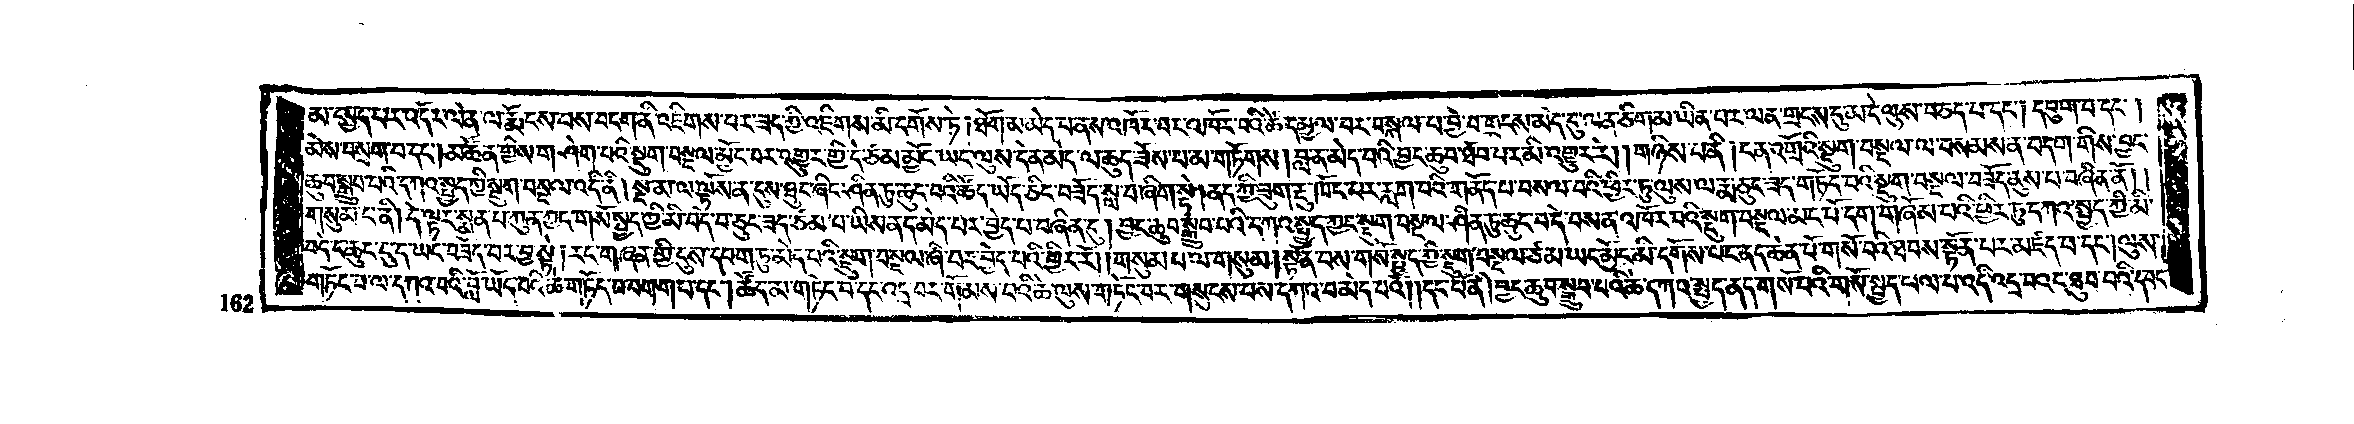མ་དཔྱད་པར་འདོར་ལེན་ལ་རྨོངས་པས་བདག་ནི་འཇིགས་པ་ཟད་ཀྱི་འཇིགས་མི་དགོས་ཏེ། ཐོག་མ་མེད་པ་ནས་འཁོར་བར་འཁོར་བའི་ཚེ་དམྱལ་བར་བསྐལ་པ་བྱེ་བ་གྲངས་མེད་དུ་ལན་ཅིག་མ་ཡིན་པར་ལན་གྲངས་དུ་མ་དེ་ལུས་བཅད་པ་དང་། དབུག་པ་དང་།
མེས་བསྲག་པ་དང་། མཚོན་གྱིས་གཤེགས་པའི་སྡུག་བསྔལ་མྱོང་བར་འགྱུར་གྱི་དེ་ཙམ་མྱོང་ཡང་ལུས་དོན་མེད་ལ་ཆུད་ཟོས་པ་མ་གཏོགས། བླ་ན་མེད་པའི་བྱང་ཆུབ་ཐོབ་པར་མི་འགྱུར་རོ། །གཉིས་པ་ནི། ངན་འགྲོའི་སྡུག་བསྔལ་ལ་བསམས་ན་བདག་གིས་བྱང་
ཆུབ་སྒྲུབ་པའི་དཀའ་སྤྱད་ཀྱི་སྡུག་བསྔལ་འདི་ནི། སྔ་མ་ལ་ལྟོས་ན་དུས་ཐུང་ཞིང་ཤིན་ཏུ་ཆུང་བའི་ཚོད་ཡོད་ཅིང་བཟོད་སླ་བ་ཞིག་སྟེ། ནད་ཀྱི་ཟུག་རྔུ་ཁོང་པར་རླག་པའི་གནོད་པ་བསམ་པའི་ཕྱིར་ཏུ་ལུས་ལ་རྨ་ཅུང་ཟད་གཏོད་པའི་སྡུག་བསྔལ་བཟོད་ནུས་པ་བཞིན་ནོ། །
གསུམ་པ་ནི། དེ་ལྟར་སྨན་པ་ཀུན་ཀྱང་མི་བདེ་བ་ཅུང་ཟད་ཙམ་པ་ཡིས་ནད་མེད་པར་བྱེད་པ་བཞིན་དུ། བྱང་ཆུབ་སྒྲུབ་པའི་དཀའ་སྤྱད་ཀྱང་སྡུག་བསྔལ་ཤིན་ཏུ་ཆུང་བ་དེ་བས་ན་འཁྲོ་བའི་སྡུག་བསྔལ་མང་པོ་དག་གཞོམ་པའི་ཕྱིར་ཏུ་དཀའ་སྤྱོད་ཀྱི་མི་
བདེ་བ་ཆུང་ངུ་དེ་ཡང་བཟོད་པར་བྱ་སྟེ། རང་གཞན་གྱི་དུས་དཔག་ཏུ་མེད་པའི་སྡུག་བསྔལ་ཞི་བར་བྱེད་པའི་གྱིར་རོ། །གསུམ་པ་ལ་གསུམ། སྟོན་པས་གསོ་སྤྱད་ཀྱི་སྡུག་བསྔལ་ཙམ་ཡང་མྱོང་མི་དགོས་པར་ནད་ཆེན་པོ་གསོ་བའི་ཐབས་སྟོན་པར་མཛད་པ་དང་། ལུས་
གཏོང་བ་ལ་དཀའ་བའི་བློ་ཡོད་པའི་ཚེ་གཏོད་པ་བགག་པ་དང་། ཚོད་མ་གཏོང་བ་དང་འདྲ་བར་གོམས་པའི་ཆེ་ལུས་གཏོང་བར་གསུངས་པས་དཀའ་བ་མེད་པའོ། །དང་པོ་ནི། བྱང་ཆུབ་སྒྲུབ་པའི་ཆེ་དཀའ་སྤྱད་ནད་གསོ་བའི་གསོ་སྤྱད་པ་ལ་བ་འདི་འདྲ་བའང་ཐུབ་པའི་དབང་